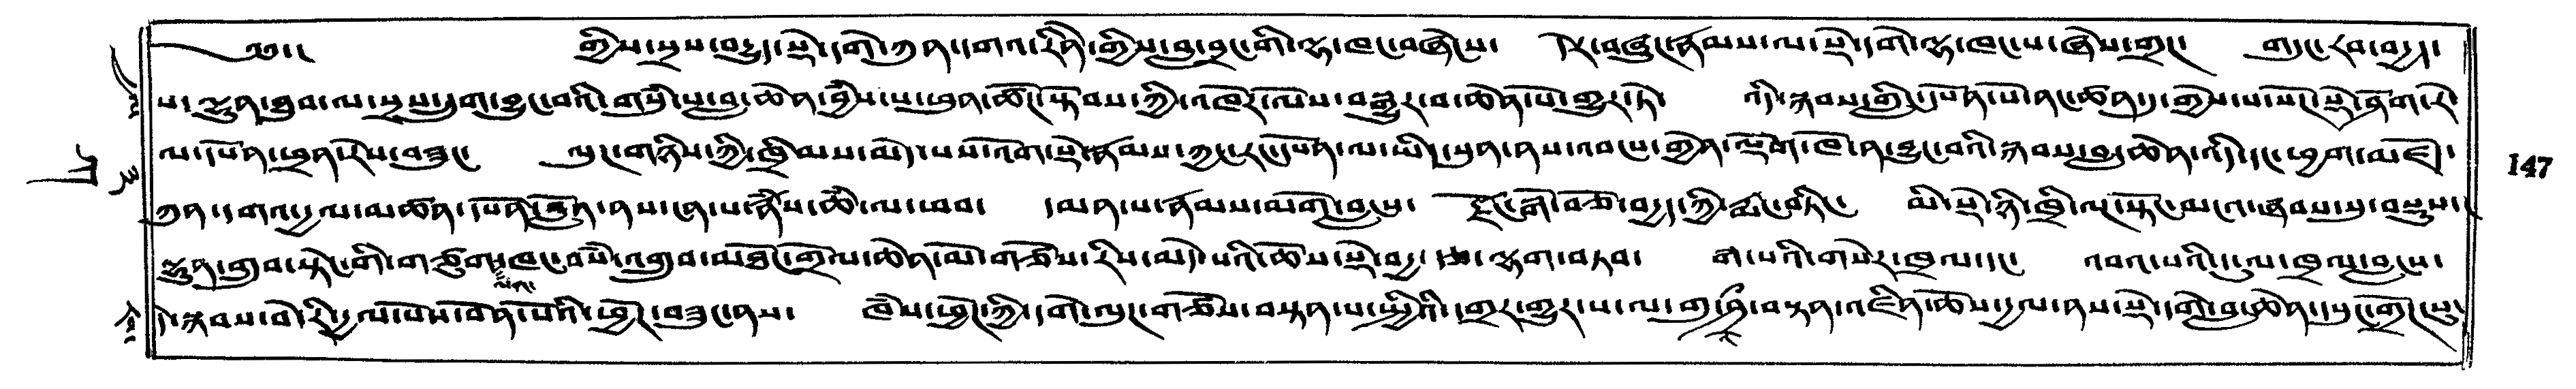གྱིས་སྲས་བརྒྱུད་སྡེ་དགེ་ཀུན་དགའ་རིན་ཆེན་གྱིས་བླ་བྲང་གི་ལྷ་ཁང་བཞེངས། དེར་བཞུགས་རྣམས་ལ་སྡེ་དགེ་ལྷ་ཁང་པ་ཞེས་གྲགས། གདུང་རབས་བརྒྱད་
པ་ལྷུན་ཐུབ་ལ་སྲས་དྲུག་བྱུང་བའི་གསུམ་པ་བླ་ཆེན་བྱམས་པ་ཕུན་ཚོགས་སྟོབས་ཀྱི་འཁོར་ལོས་བསྒྱུར་བ་ཆེན་པོར་གྱུར་ཏེ། འདི་སྐབས་གླིང་དཔོན་པོ་ནང་ཚན་དུ་གྱེས་པ་སོགས་སྡེ་ཤོག་རེ་
ལ་དཔོན་ཕྲན་རེས་བཟུང་།ལུགས་གཉིས་ཀྱི་ཁྲིམས་མེད་པས་འོག་སྡེ་རྣམས་ཀྱང་རང་དཔོན་ལ་ཡིད་སུན་ནས་འབངས་གྱེན་ལྡོག་ཁོ་ན་བྱུང་བའི་སྐབས་བླ་ཆེན་འདི་དང་ཕྱག་མཛོད་
ཀུན་དགའ་རྒྱལ་མཚན་དཔོན་བློན་ནས་ངན་པ་རྣམས་ཆམ་ལ་ཕབ། དམན་པ་རྣམས་མགོ་བླངས། རྫོང་སྒོ་བཅོ་བརྒྱད་ཀྱི་རྨང་བཏིང་། མི་སྡེ་ཉི་ཁྲི་ལྔ་སྟོང་མངའ་ཞབས་སུ་བསྡུས། 
ལྷུན་གྲུབ་སྟེང་གི་གཙུག་ལག་ཁང་བསམ་འགྲུབ་མཐོང་གྲོལ་ཆེན་མོ་གཙོས་རིས་མེད་པའི་ཆོས་སྡེ་བརྒྱ་རྩ་ལྷག་བཏབ། སྒ་པའི་གསེར་ཁྲལ་དང་། འབའ་པའི་དངུལ་ཁྲལ་བླངས་
དེ་སྐབས། བེ་རི་རྒྱལ་པོས་བོན་པོའི་ཕྱོགས་བཟུང་ནས། ཁམས་ཕྱོགས་ཀྱི་དགེ་ལུགས་གཙོས་བསྟན་པ་སྤྱིའི་དགྲར་གྱུར་པ་ལ་གུ་ཤྲཱི་བསྟན་འཛིན་ཆོས་རྒྱལ་ནས་སྡེ་དགེ་བླ་ཆེན་དཔུང་གྲོགས་སུ་